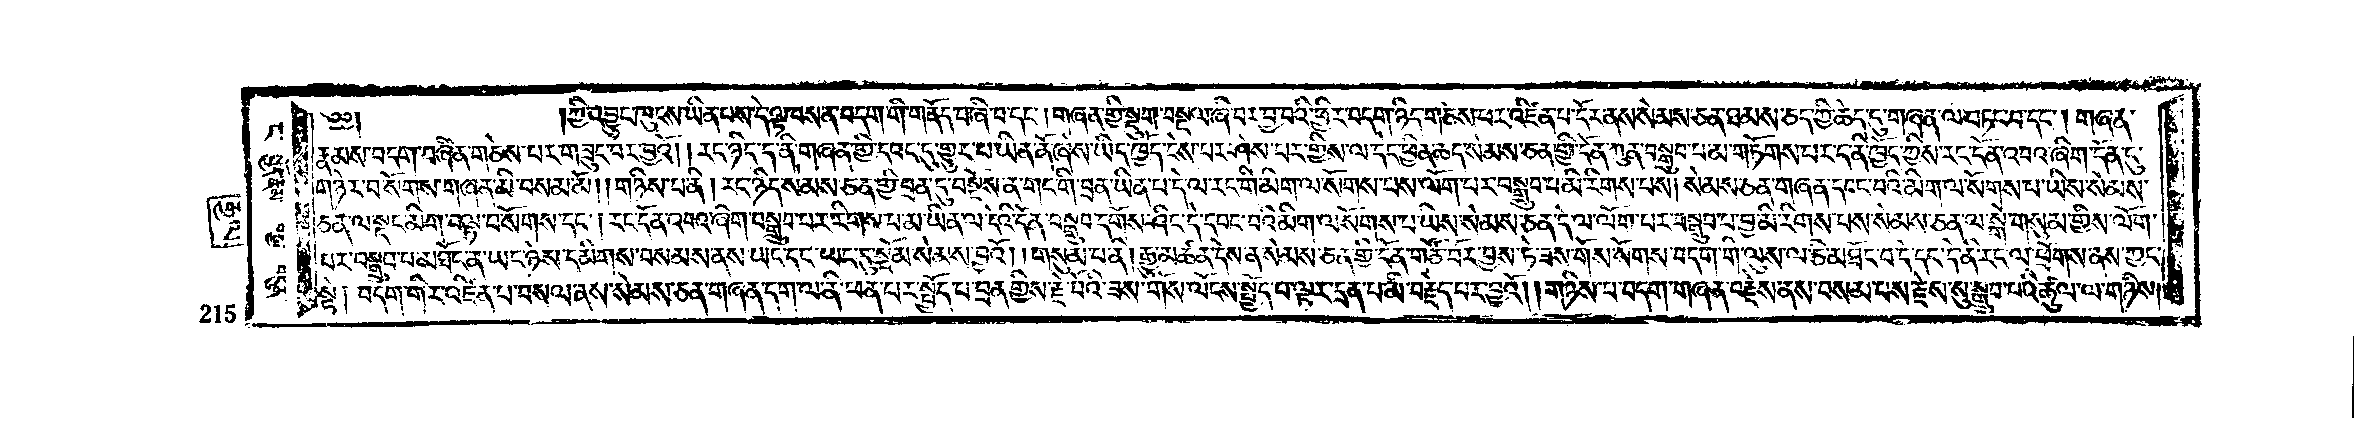༄༅། །ཀྱི་འབྱུང་ཁུངས་ཡིན་པས་དེ་ལྟ་བས་ན་བདག་གི་གནོད་བཞི་པ་དང་། གཞན་གྱི་སྡུག་བསྔལ་ཞི་བར་བྱ་བའི་ཕྱིར་བདག་ཉིད་གཅེས་པར་འཛིན་པ་དོར་ནས་སེམས་ཅན་ཐམས་ཅད་ཀྱི་ཆེད་དུ་གཞན་ལ་བཏང་བ་དང་། གཞན་
རྣམས་བདག་བཞིན་གཅེས་པར་གཟུང་བར་བྱའོ། །རང་ཉིད་ད་ནི་གཞན་གྱི་དབང་དུ་གྱུར་པ་ཡིན་ནོ་ཞེས་ཡིད་ཁྱོད་ངེས་པར་ཤེས་པར་གྱིས་ལ་དེད་ཕྱིན་ཆད་སེམས་ཅན་གྱི་དོན་ཀུན་བསྒྲུབ་པ་མ་གཏོགས་པར་ད་ནི་ཁྱོད་ཀྱིས་རང་དོན་འབའ་ཞིག་དོན་དུ་
གཉེར་བ་སོགས་གཞན་མི་བསམ་མོ། །གཉིས་པ་ནི། རང་ཉིད་སེམས་ཅན་གྱི་བྲན་དུ་བསྔོས་ན་གང་གི་བྲན་ཡིན་པ་དེ་ལ་རང་གི་མིག་ལ་སོགས་པས་ལོག་པར་བསྒྲུབ་པ་མི་རིགས་པས། སེམས་ཅན་གཞན་དབང་བའི་མིག་ལ་སོགས་པ་ཡིས་སེམས་
ཅན་ལ་སྡང་མིག་བལྟ་བ་སོགས་དང་། རང་དོན་འབའ་ཞིག་བསྒྲུབ་པར་རིགས་པ་མ་ཡིན་ལ་དེའི་དོན་བསྒྲུབ་དགོས་ཤིང་དེ་དབང་བའི་མིག་ལ་སོགས་པ་ཡིས་སེམས་ཅན་དེ་ལ་ལོག་པར་བསྒྲུབ་པ་བྱ་མི་རིགས་པས་སེམས་ཅན་ལ་སྒོ་གསུམ་གྱིས་ལོག་
པར་བསྒྲུབ་པ་མཐོང་ན་ཡང་ཉེས་དམིགས་བསམས་ནས་ཡང་དང་ཡང་དུ་སྡོམ་སེམས་བྱའོ། །གསུམ་པ་ནི། རྒྱུ་མཚན་དེས་ན་སེམས་ཅན་གྱི་དོན་གཙོ་བོར་བྱས་ཏེ་ཟས་གོས་སོགས་བདག་གི་ལུས་ལ་ཅི་མཐོང་བ་དེ་དང་དེ་ནི་རང་ལ་ཕྲོགས་ནས་ཀྱང་
སྟེ༑ བདག་གིར་འཛིན་པ་བསལ་ནས་སེམས་ཅན་གཞན་དག་ལ་ནི་ཕན་པར་སྤྱོད་པ་བྲན་གྱིས་རྗེ་པའི་ཟས་གོས་ལོངས་སྤྱོད་པ་ལྟར་དྲན་པ་མི་བརྗེད་པར་བྱའོ། །གཉིས་པ་བདག་གཞན་བརྗེས་ནས་བསམ་པས་རྗེས་སུ་སྒྲུབ་པའི་ཚུལ་ལ་གཉིས།